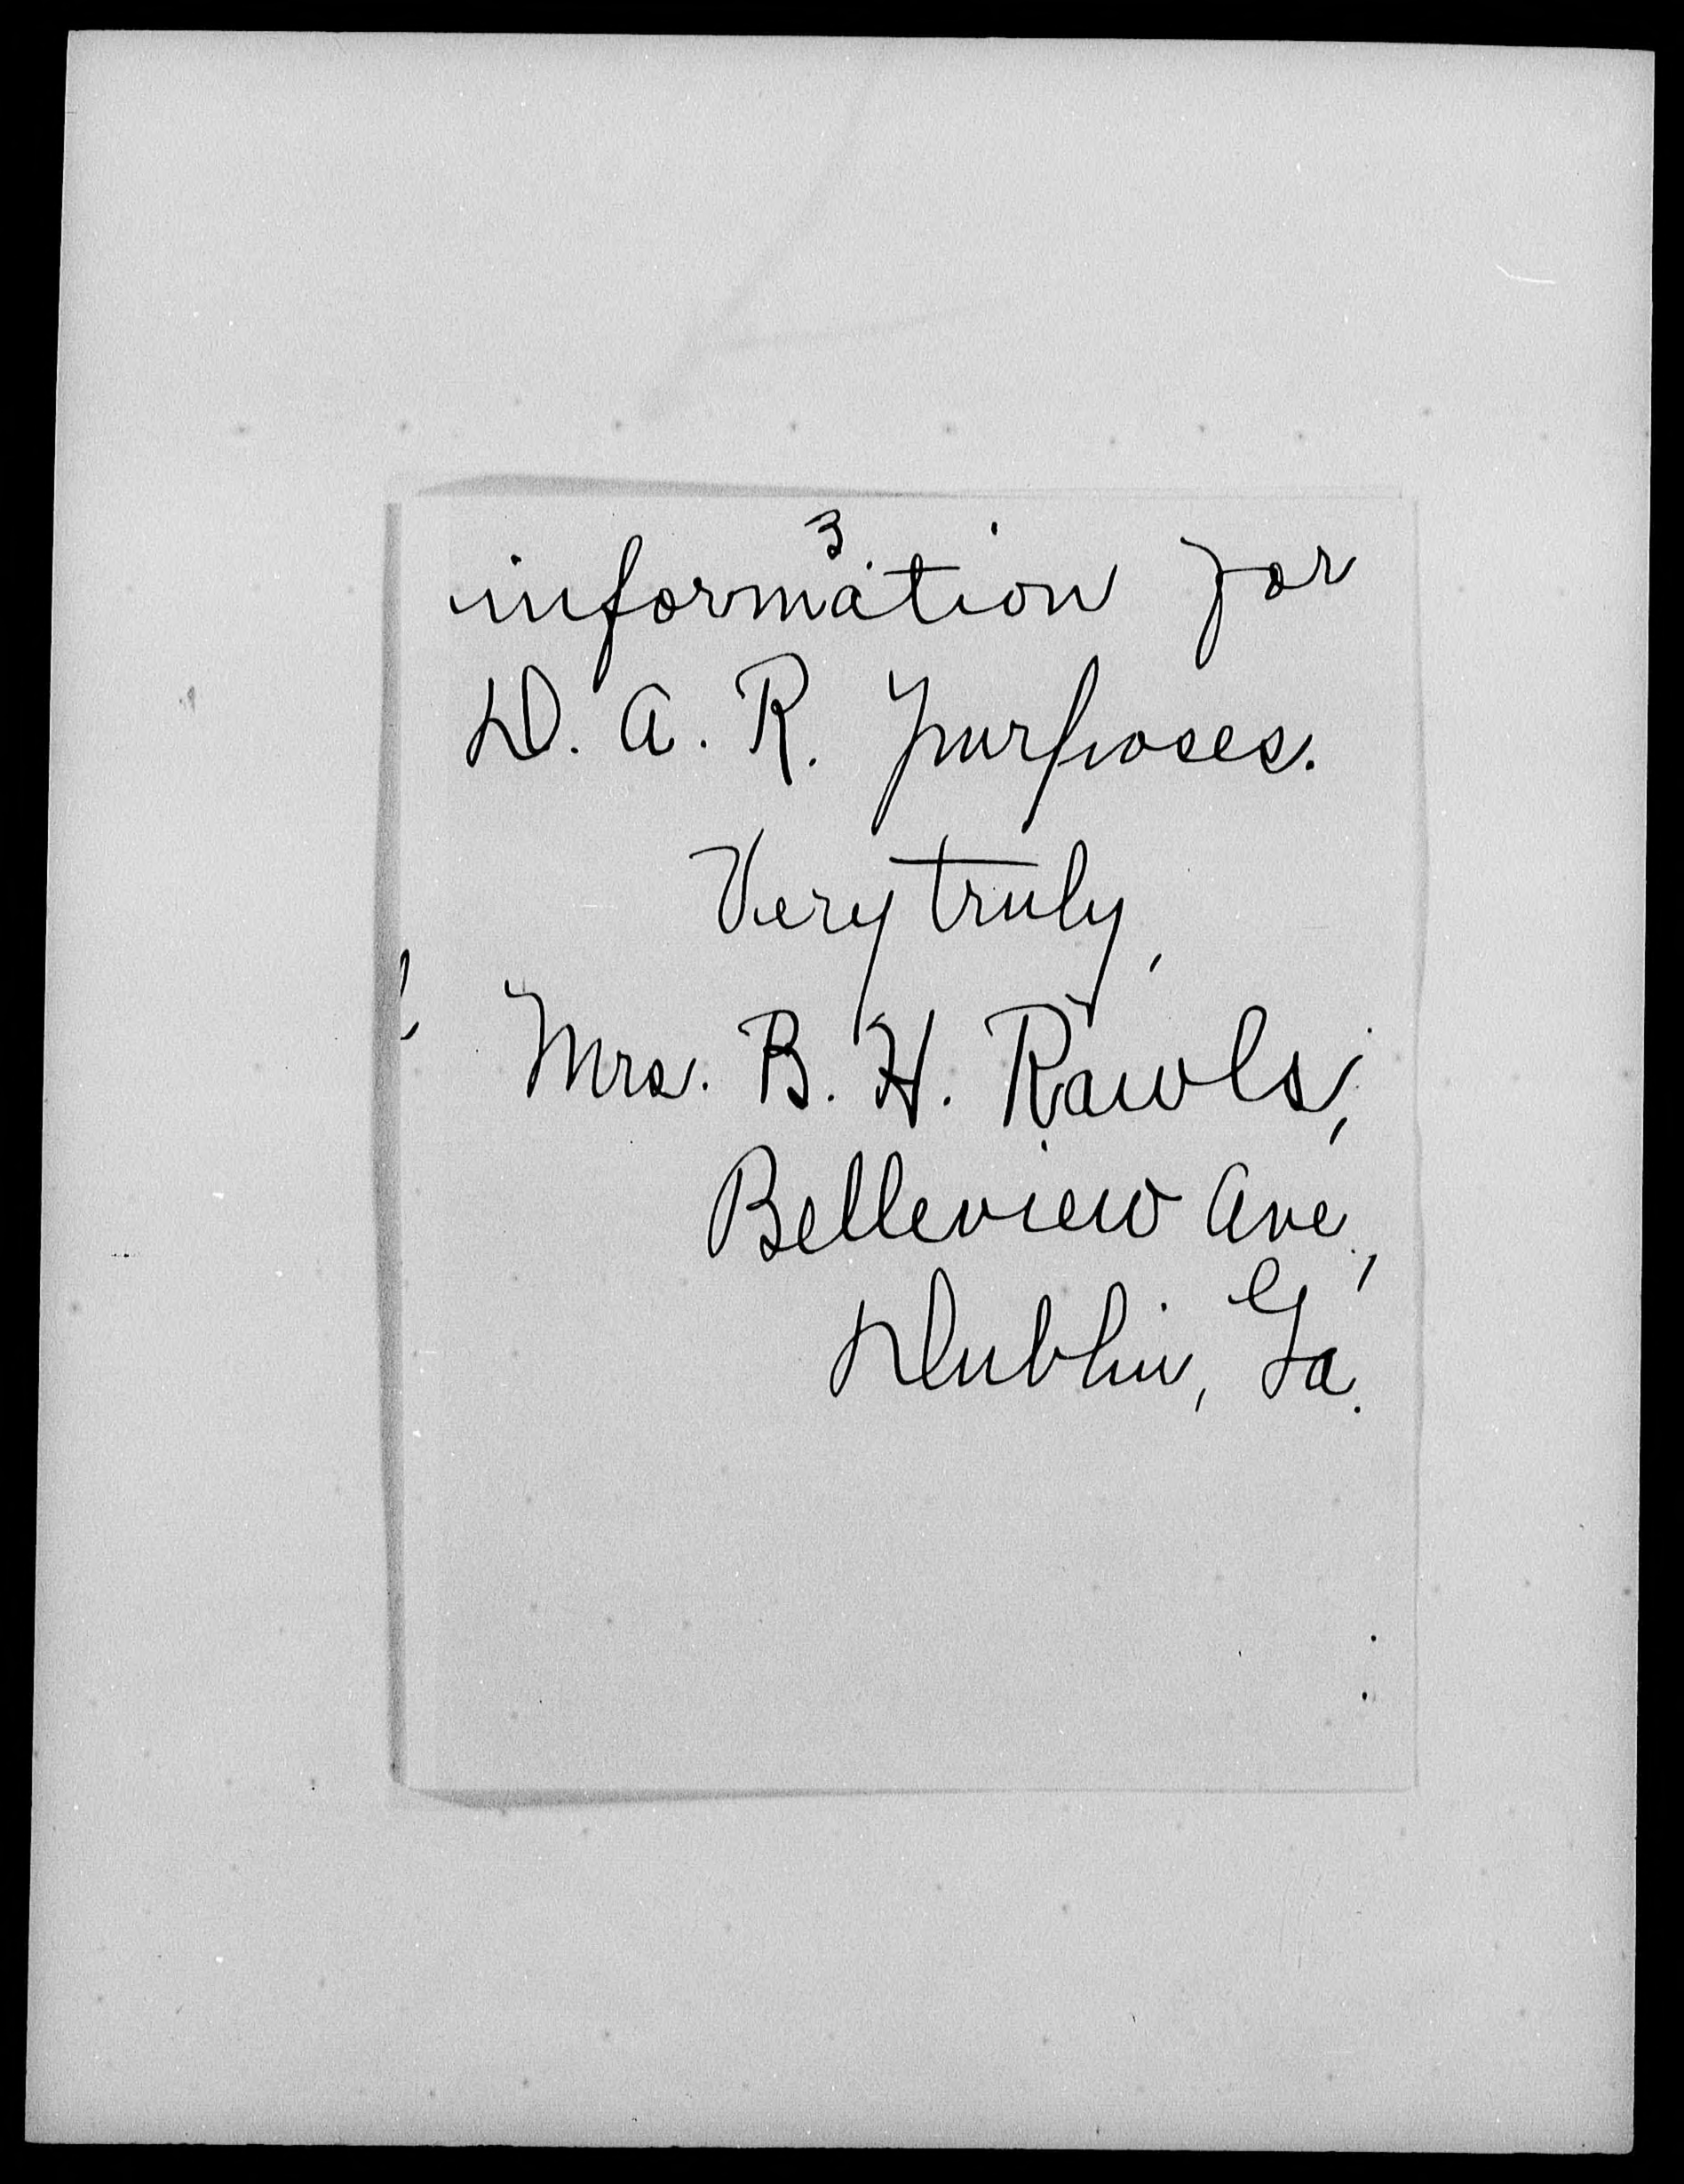[Third and final page of handwritten letter from Mrs. B. H. Rawls.]

[Page] 3
information for D.A.R. purposes.

Very truly, 

Mrs. B. H. Rawls,
Belleview Ave, 
Dublin, Ga.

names: B H Rawls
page: 138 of 145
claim: survivor's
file: S. 8265, William Cumming, N.C.